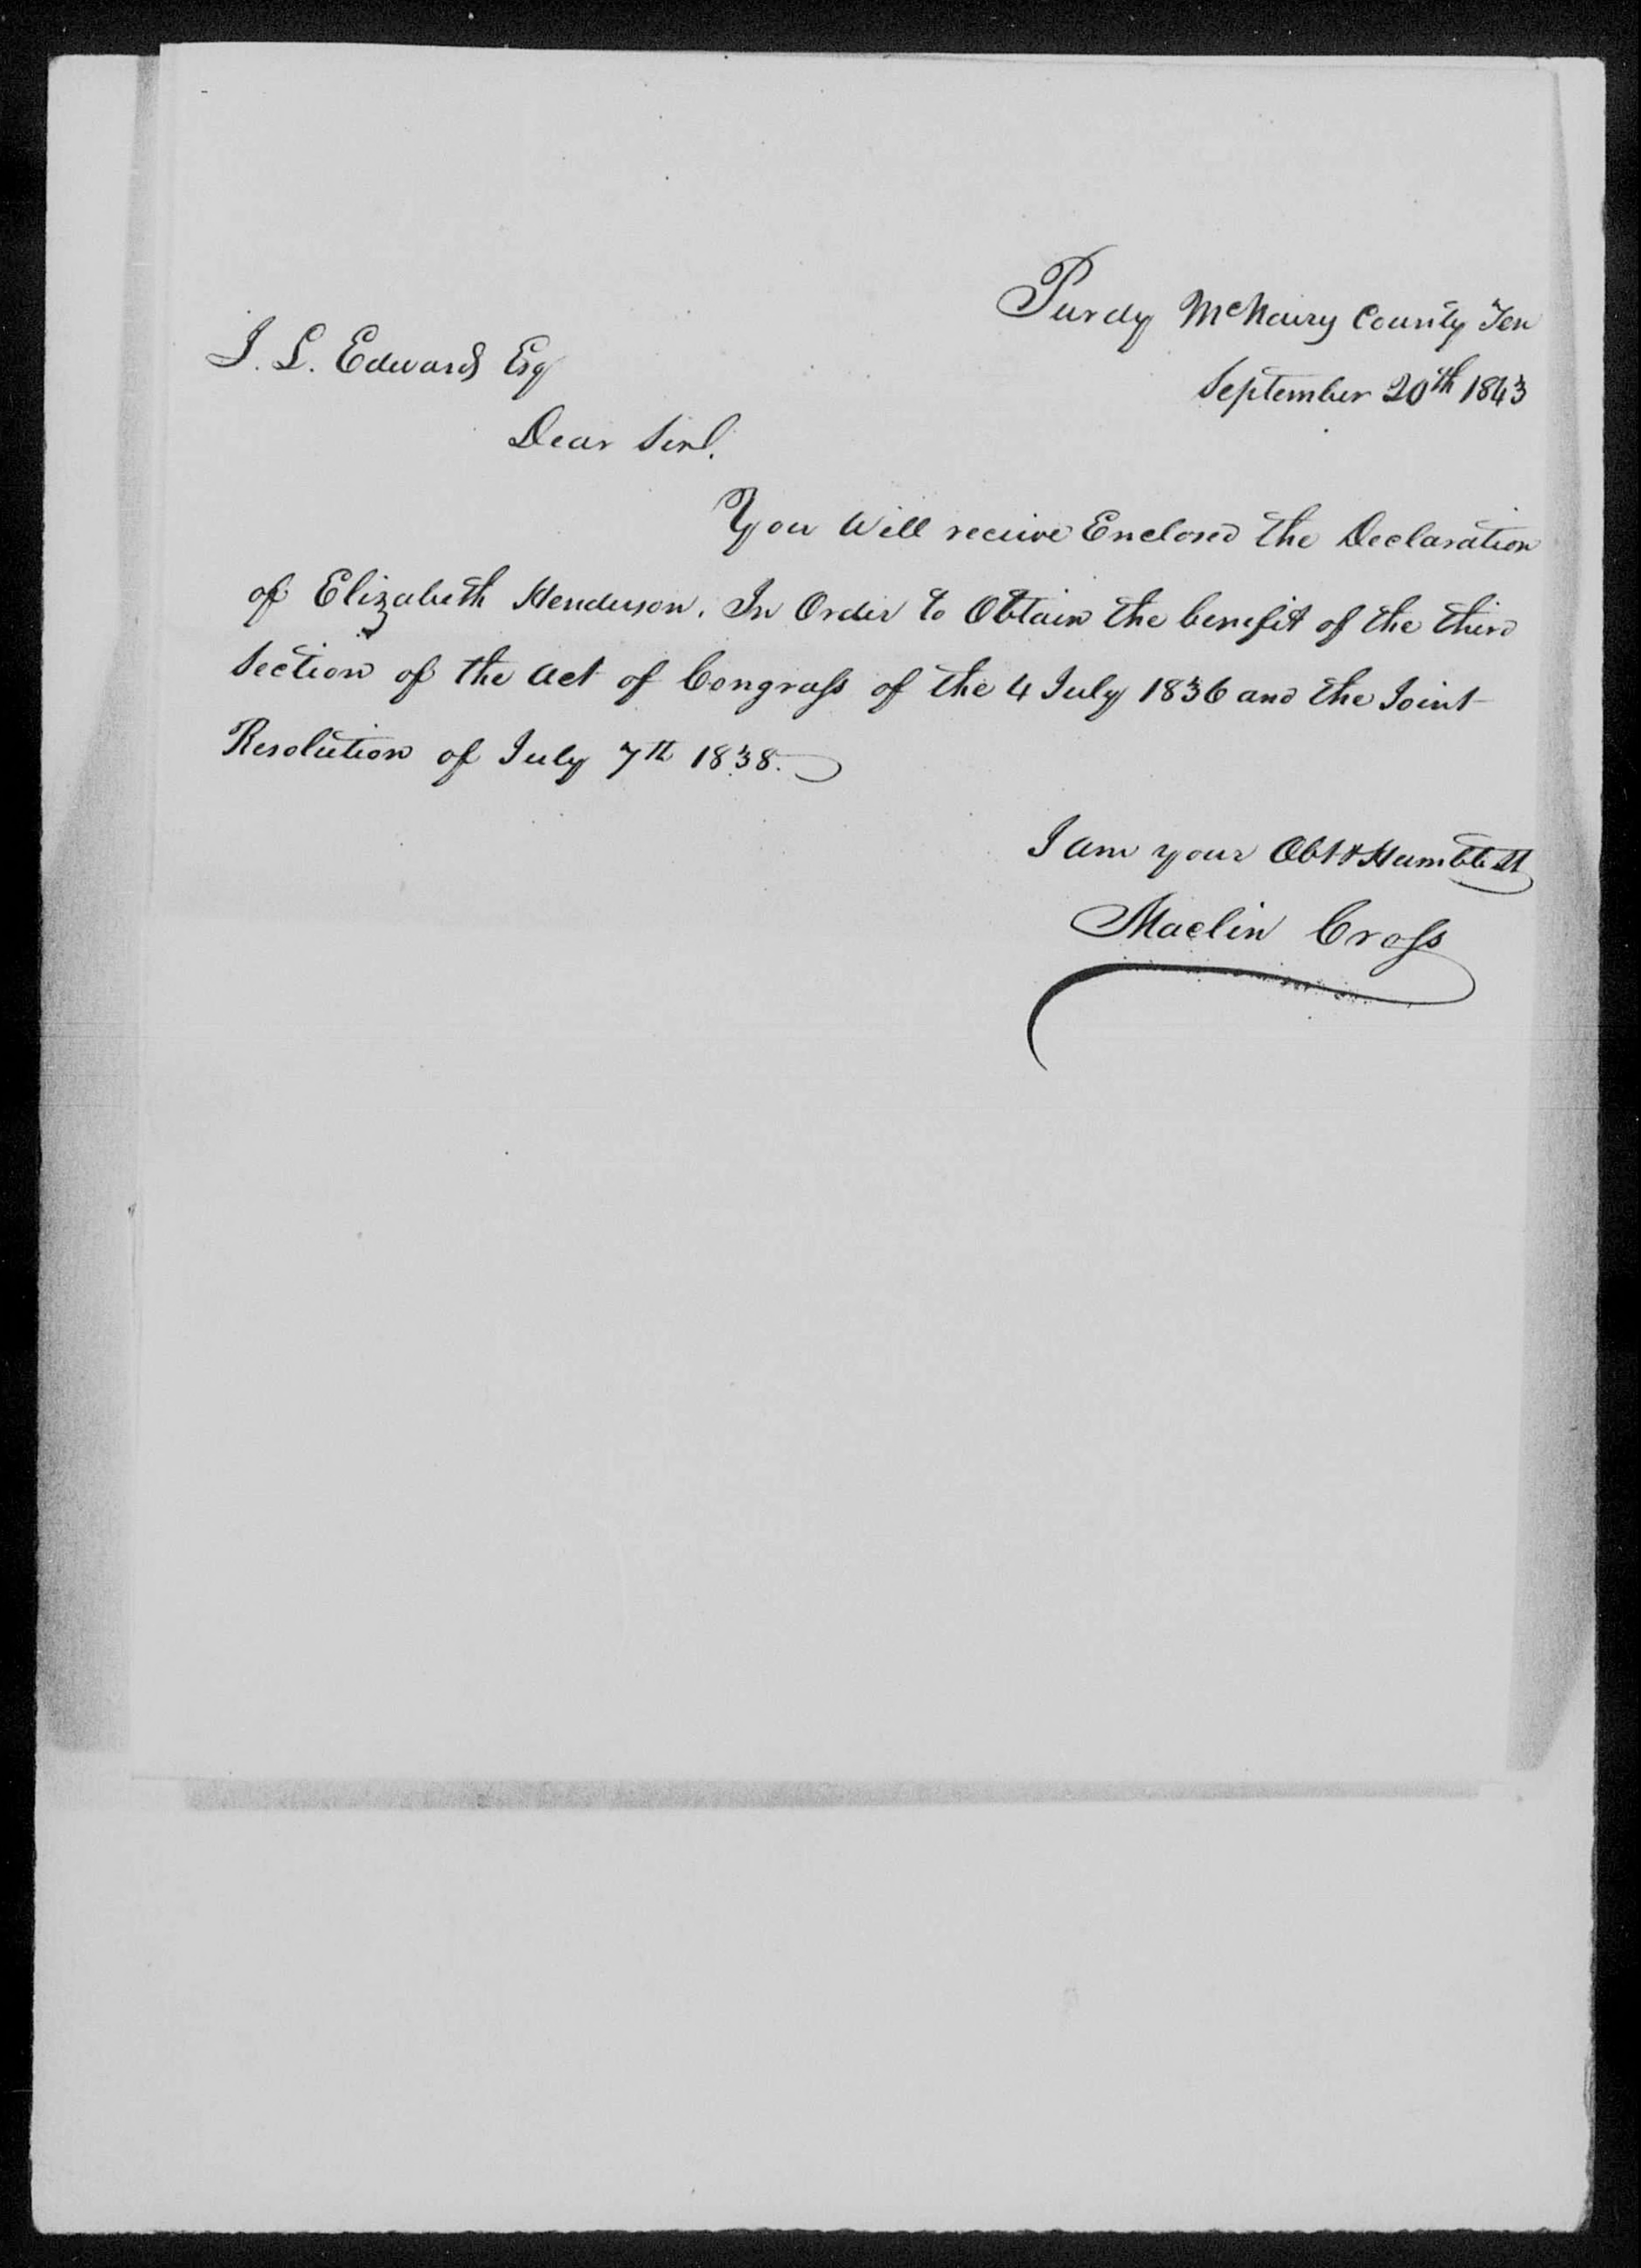Purdy McNairy County Ten
September 20th 1843

J. L. Edward Esq

Dear Sir

You will receive Enclosed the Declaration
of Elizabeth Henderson. In order to obtain the benefit of the third
Section of the act of Congress of the 4 July 1836 and the joint
Resolution of July 7th 1838.

I am your Obt Humblest St
Maclin Cross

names: J L Edwards, Elizabeth Henderson, Maclin Cross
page: 23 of 40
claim: rejected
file: R. 4,869, John Henderson, S.C.